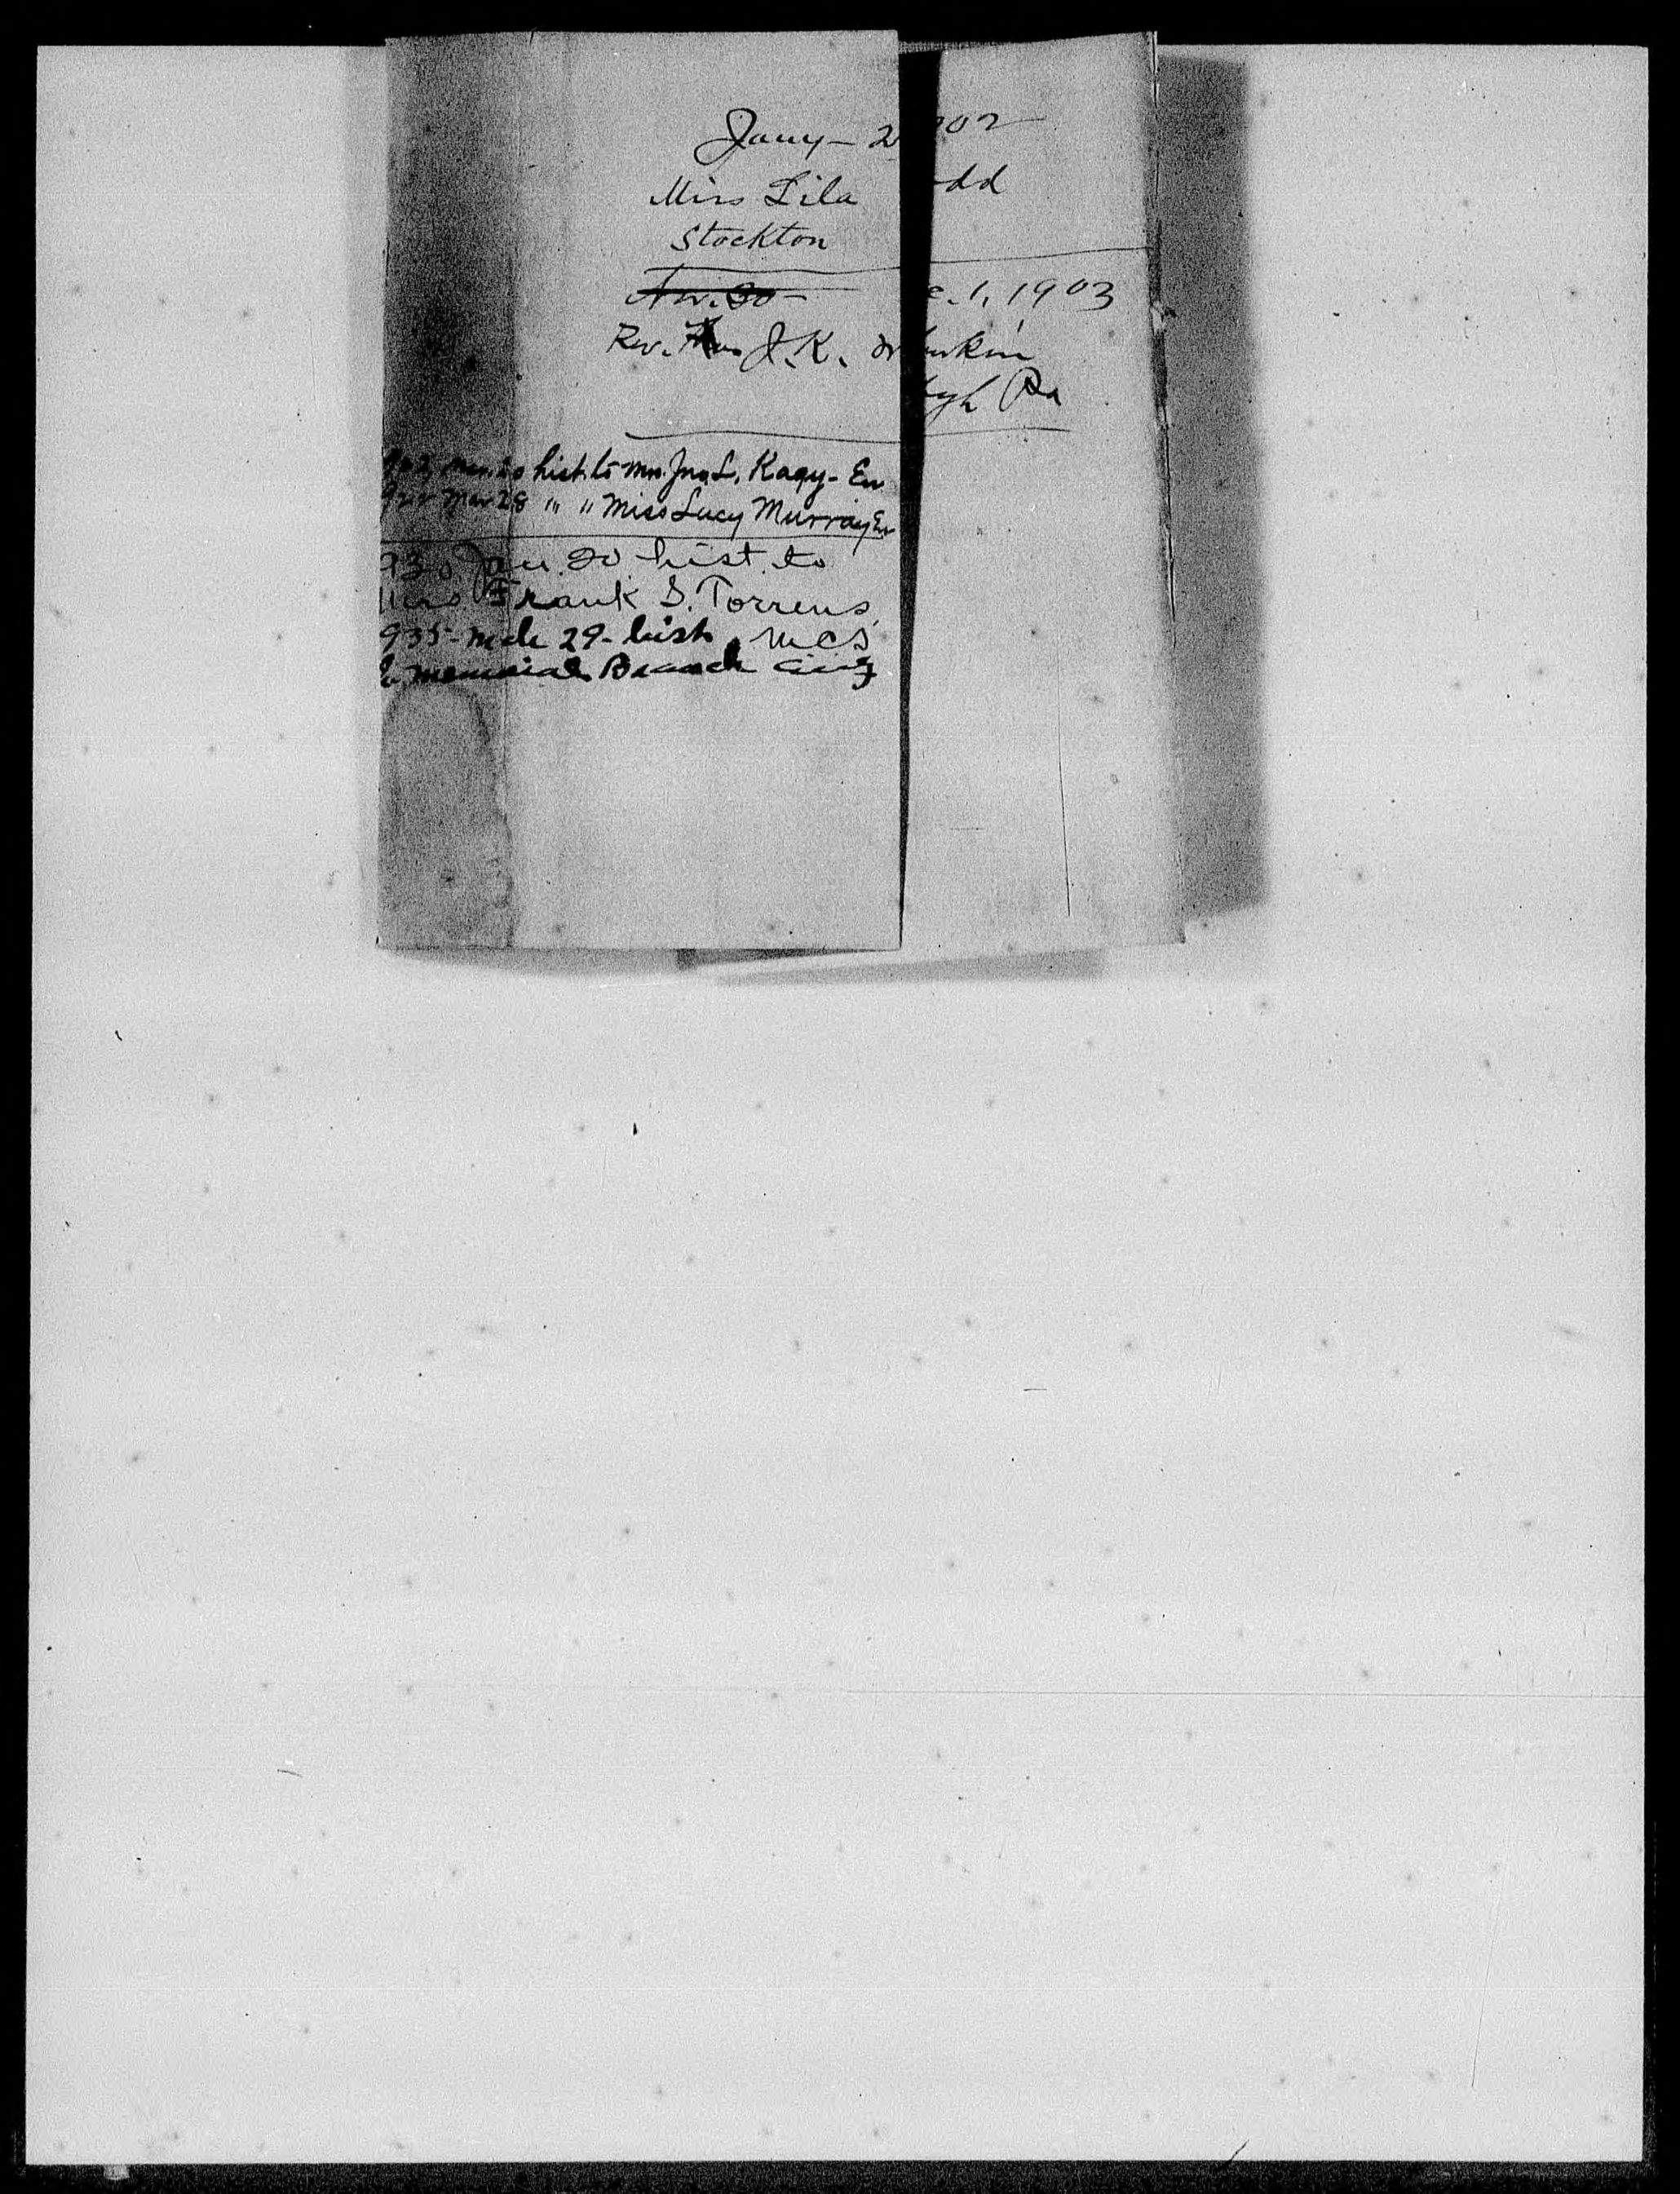Jany - 2 [unintelligible due to fold] 02

Miss Lila  [unintelligible due to fold] dd
Stockton
e 1,1903
Rev. H.J.K McClurken
[signature]

[unintelligible scribbles] hist to mos. Jna L. Kaay- En
[unintelligible scribbles] Mar 28 " " Miss Lucy Murray Esq
[unintelligible scribbles] Jan. 20 hist to
[unintelligible scribbles] Frank S. Torrens
935-[unintelligible scribbles] 29- luish
memorial Branch [unintelligible scribbles]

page: 25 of 93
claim: widow's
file: W. 21792, for Thomas Mc Clurken, South Carolina